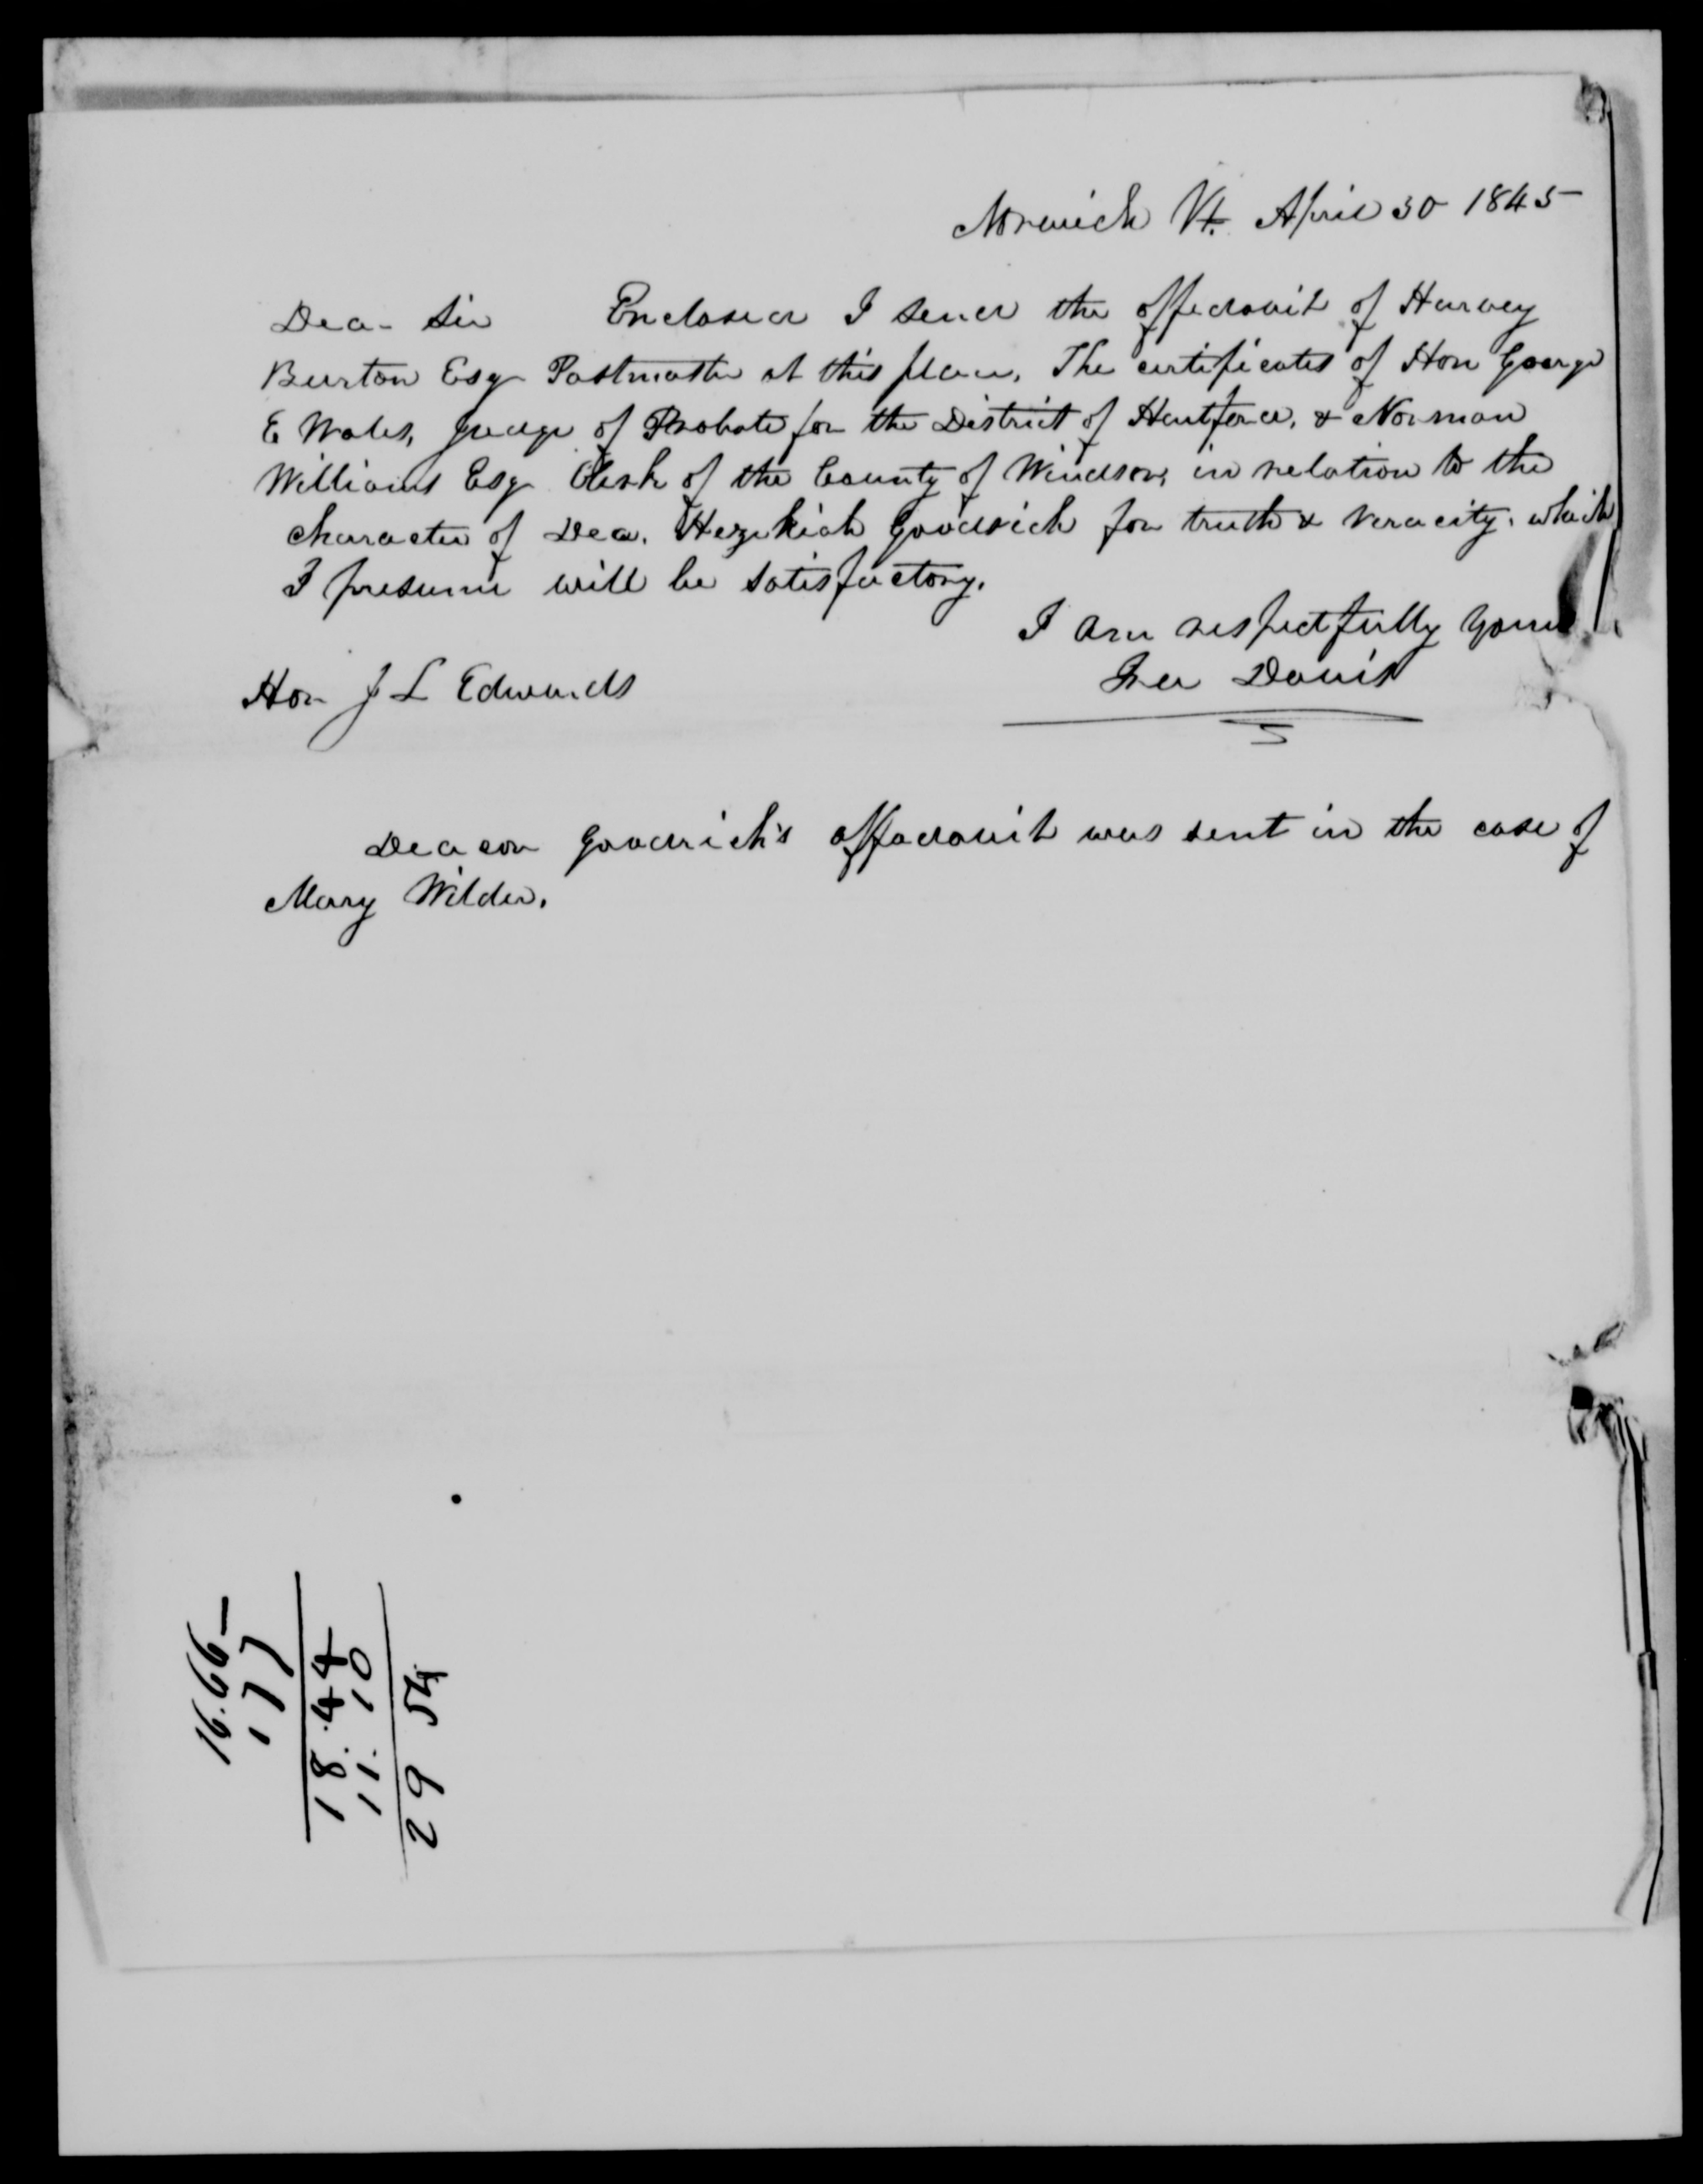Norwich Vt April 30 1845
Dear Sir Enclosed I send the affidavit of Harvey Burton Esq [Pastmoth] of this place.  The certificates of Hon George E. Wales, Judge of Probate for the District of Hartford & Norman Williams Esq Clerk of the County of Windsor in relation to the character of Dea. Hezekiah Goodrich for truth & veracity which I presume will be satisfactory.  
I am respectfully your Ira Davis
Hon. J L Edwards
Deacon Hezekiah's affadavit was sent in the care of Mary Wilder.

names: J L Edwards, Harvey Burton, Norman Williams, Mary Wilder, George E Wales, Ira Davis, Hezekiah Goodrich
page: 14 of 40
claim: widow's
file: W. 18,426, Abel Wilder, Mass. N.H. Vt.